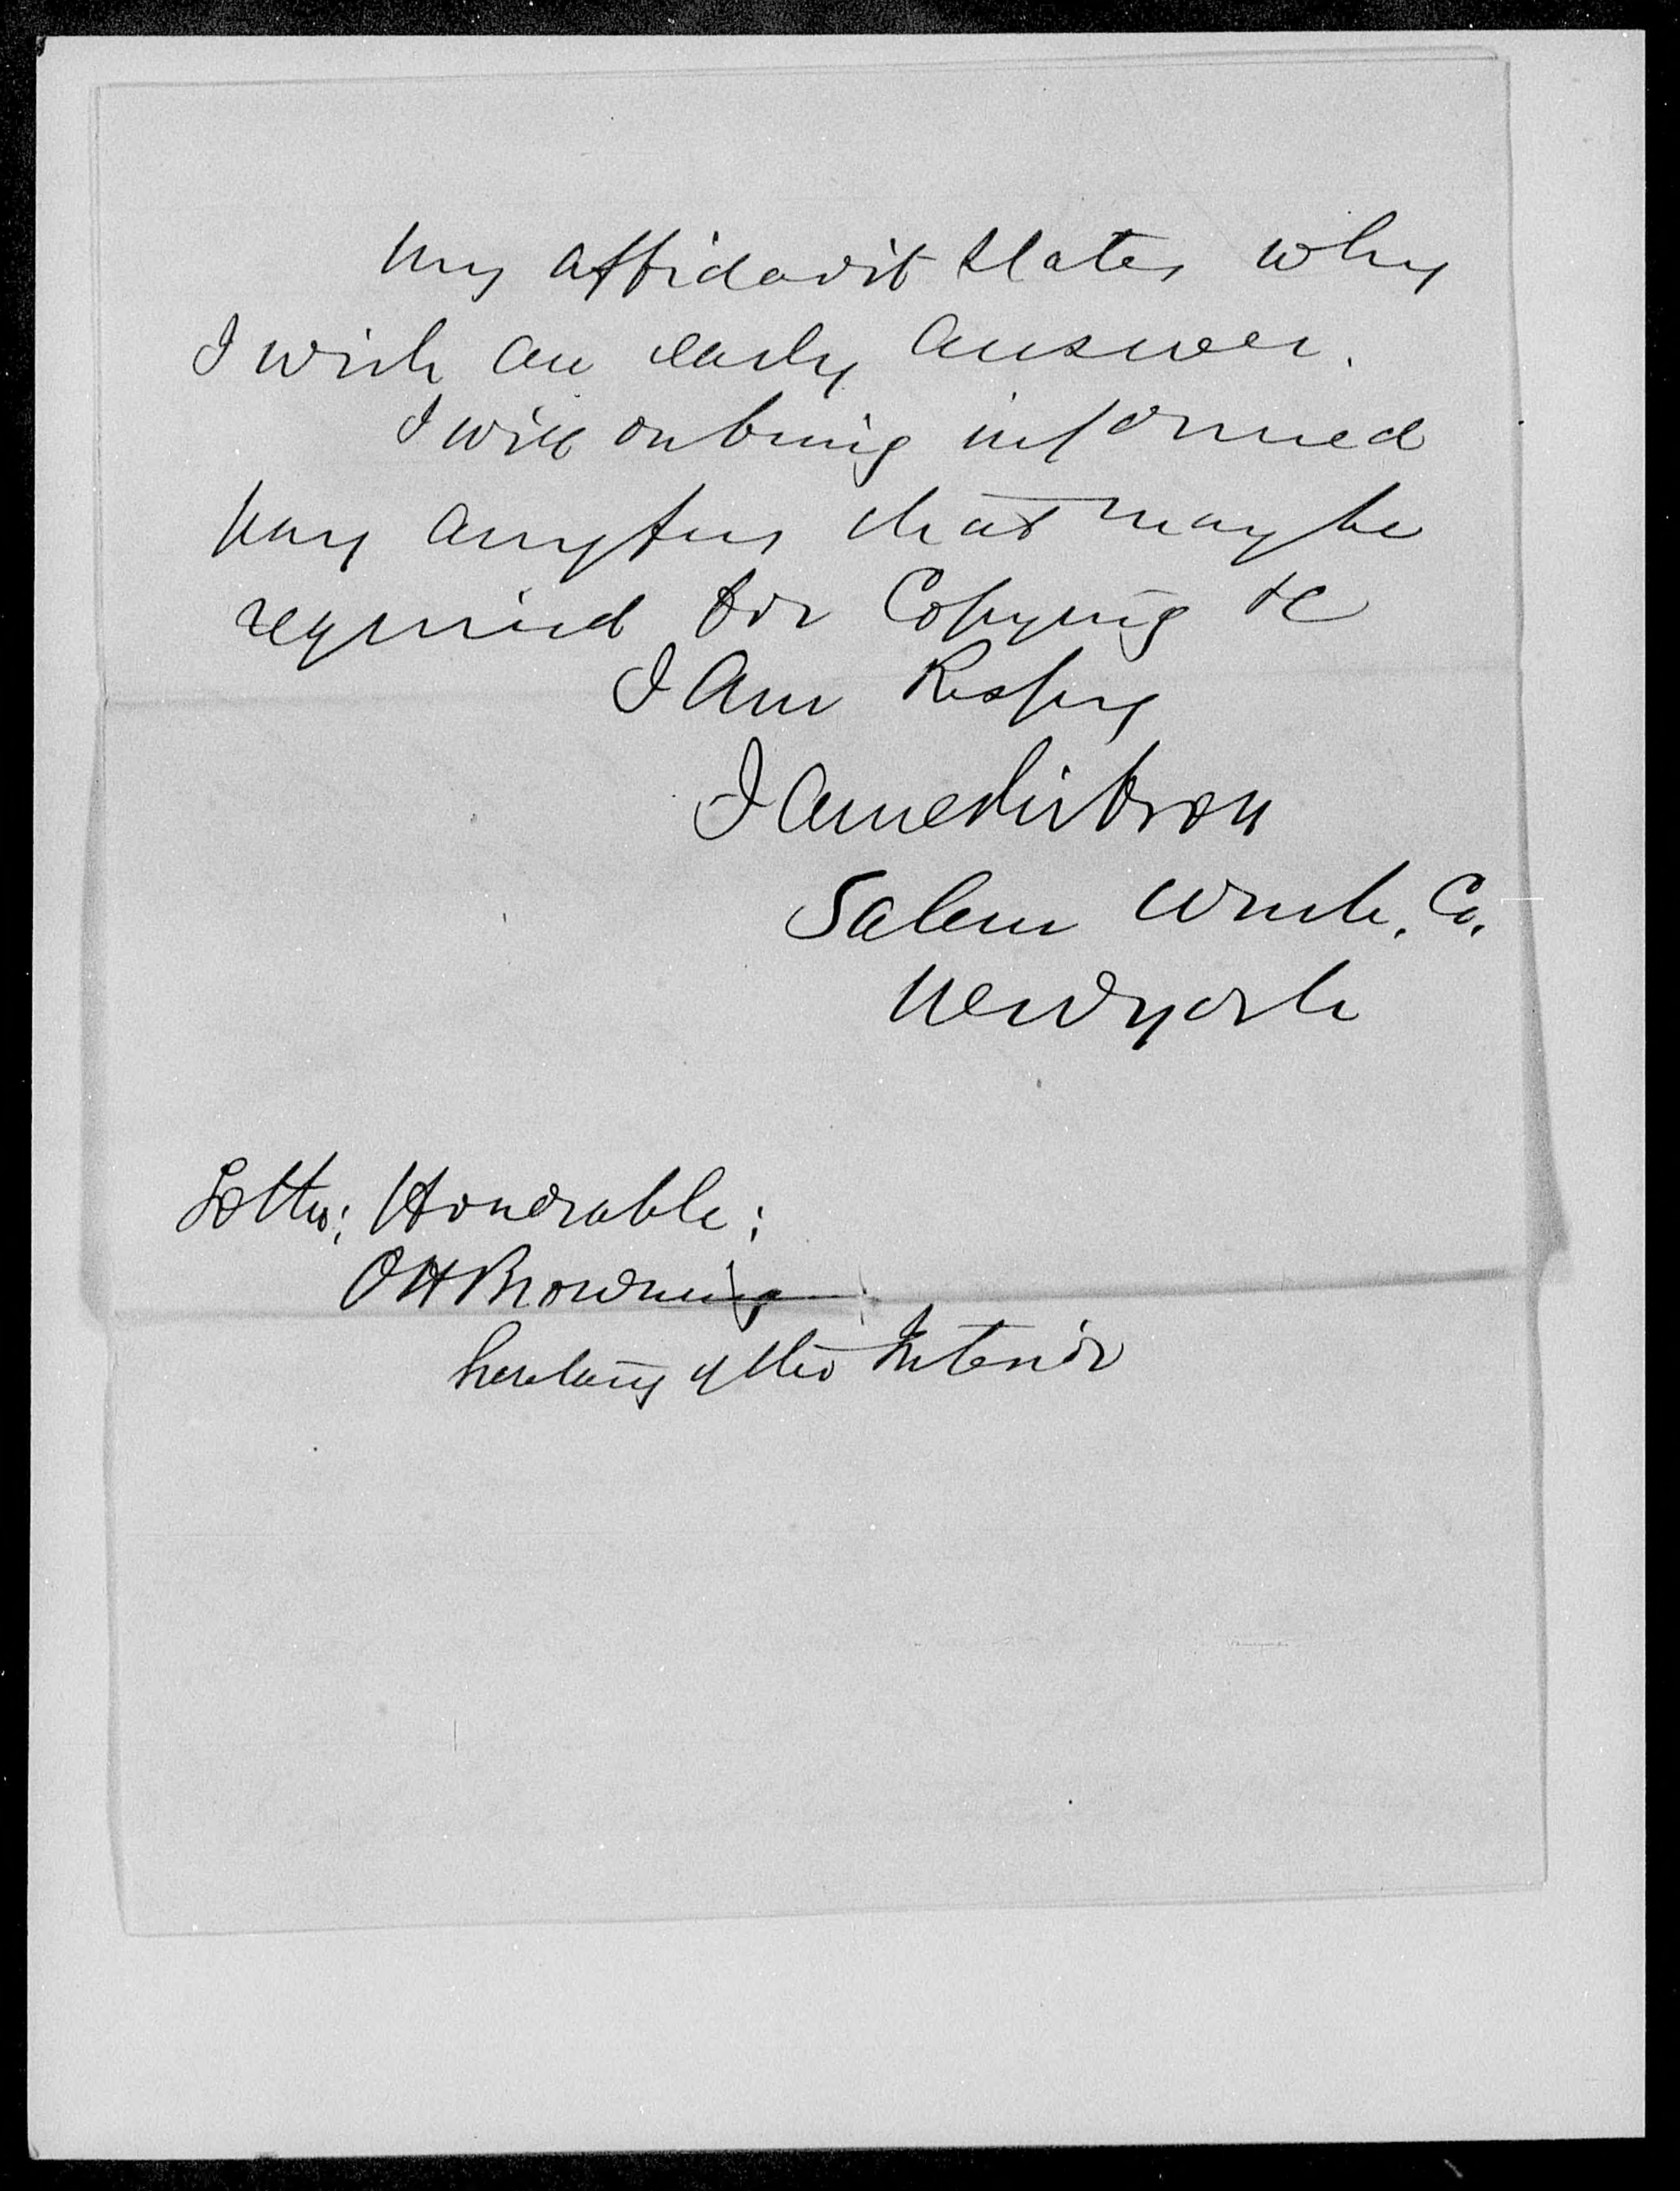My affidavit states why I wish an early answer.

I will on being informed pay any fees that may be required for copying &c

I Am Respy
James Gibson
Salem Wash. Co.
New York

Let to: Honorable:
O H Browning
Secretary of the Interior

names: James Gibson, O H Browning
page: 26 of 32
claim: survivor's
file: S. 34899, John Gibson, R.I.